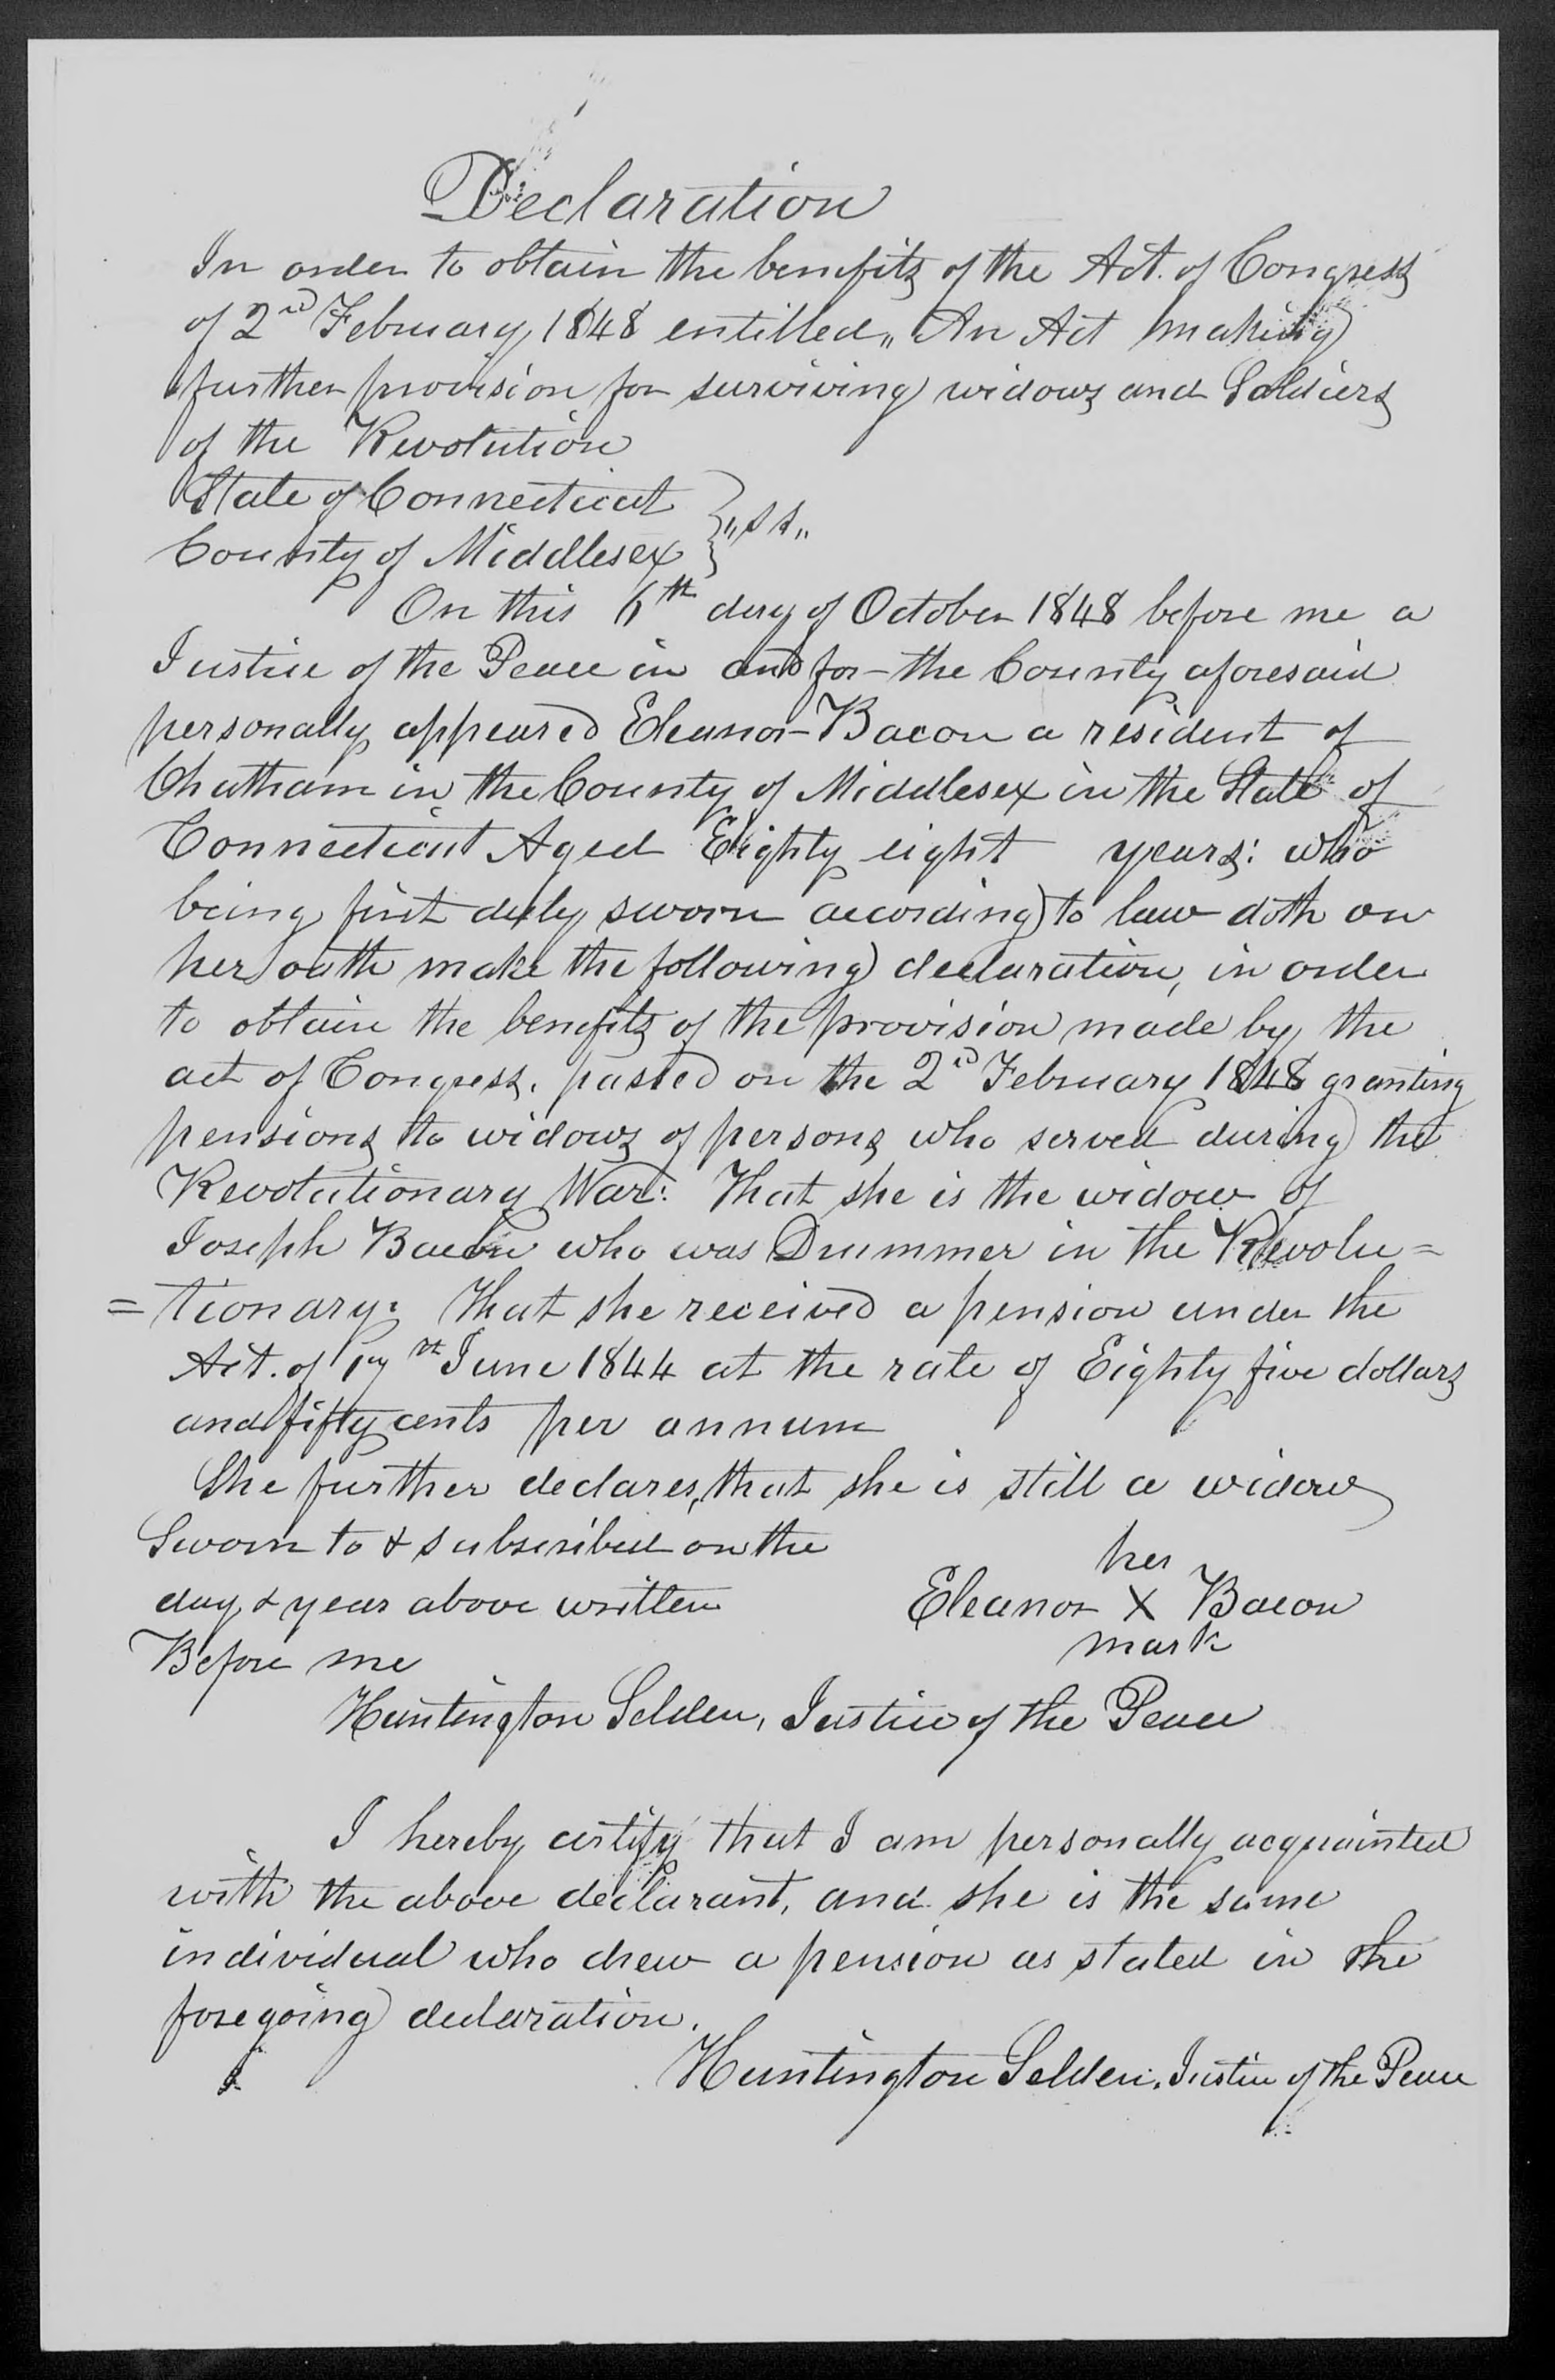Declaration

In order to obtain the benefits of the Act of Congress of 2nd February 1848 entitled "An Act Making further provision for surviving widows and Soldiers of the Revolution
State of Connecticut}
County of Middlesex}" SS"

On this 6th day of October 1848 before me a Justice of the Peace in and for the County aforesaid personally appeared Eleanor Bacon a resident of Chatham in the County of Middlesex in the State of Connecticut Aged Eighty eight years: who bring first duly sworon according to law doth on her oath make the following declaration, in order to obtain the benefits of the provision made by the act of Congress, passed on the 2nd February 1848 granting pensions to widows of person who served during the Revolutionary War. That she is the widow of Joseph Bacon who was Drummer in the Revolutionary.  That she received a pension under the Act of 1st June 1844 at the rate of Eighty five dollars and fifty cents per annum. 
She further declares that she is still a widow Sworn to & subscribed on the day & year above written.
Eleanor her X mark Bacon
Before me
Huntington Selden, Justice of the Peace

I hereby certify that I am personally acquainted with the above declarant, and she is the same individual who drew a pension as stated in the forgoing declaration. 
Huntington Selden, Justice of the Peace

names: Joseph Bacon, Eleanor Bacon, Eleanor Bacon, Huntington Selden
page: 17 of 24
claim: widow's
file: W. 25190, Joseph Bacon, Continental (Conn)